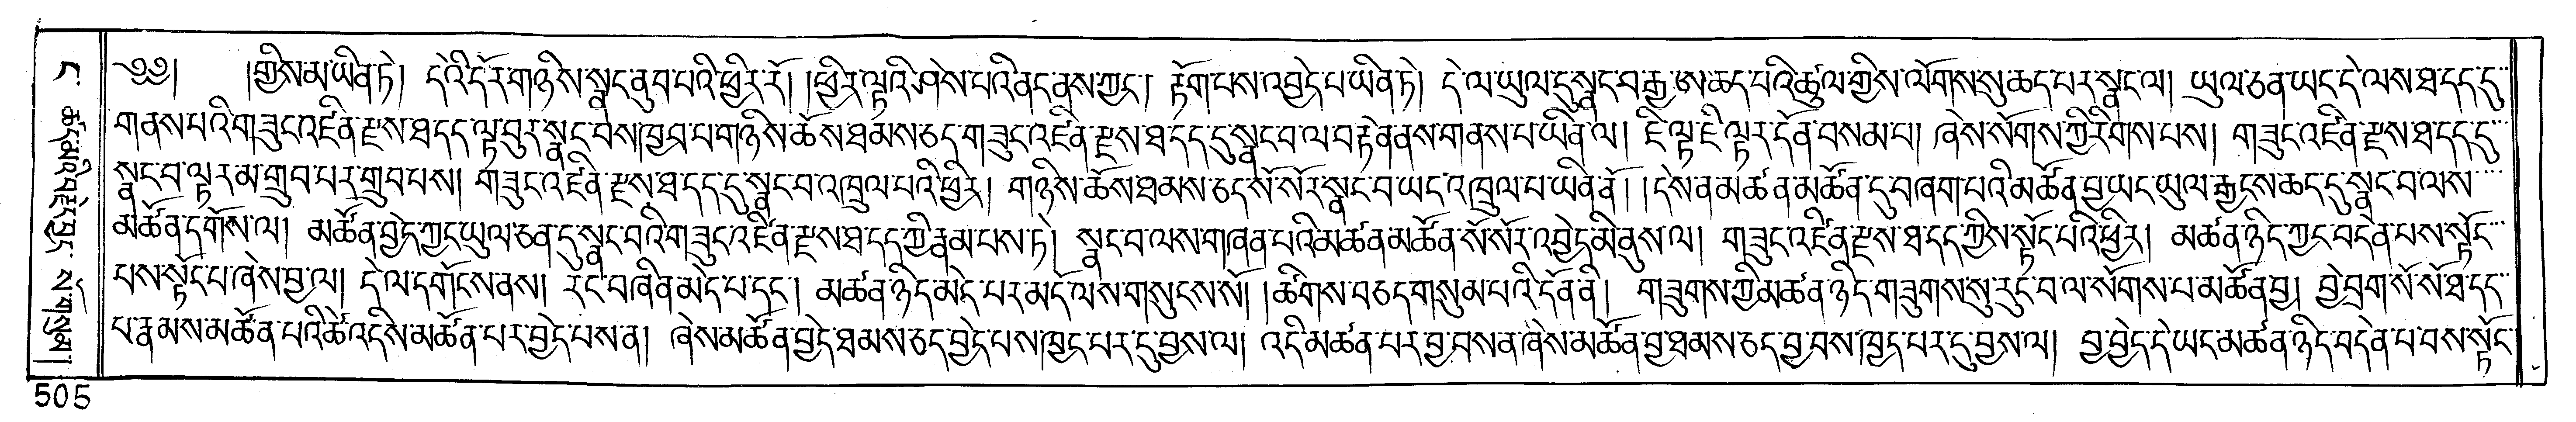༄༅། །གྱིས་མ་ཡིན་ཏེ། དེའི་ངོར་གཉིས་སྣང་ནུབ་པའི་ཕྱིར་རོ། །ཕྱིར་ལྟའི་ཤེས་པའི་ནང་ནས་ཀྱང་། རྟོག་པས་འབྱེད་པ་ཡིན་ཏེ། དེ་ལ་ཡུལ་དུ་སྣང་བ་རྒྱངས་ཆད་པའི་ཚུལ་གྱིས་ལོགས་སུ་ཆད་པར་སྣང་ལ། ཡུལ་ཅན་ཡང་དེ་ལས་ཐ་དད་དུ་
གནས་པའི་གཟུང་འཛིན་རྫས་ཐ་དད་ལྟ་བུར་སྣང་བས་ཁྱབ་པ་གཉིས་ཆོས་ཐམས་ཅད་གཟུང་འཛིན་རྫས་ཐ་དད་དུ་སྣང་བ་ལ་བརྟེན་ནས་གནས་པ་ཡིན་ལ། ཇི་ལྟ་ཇི་ལྟར་དོན་བསམ་པ། ཞེས་སོགས་ཀྱི་རིགས་པས། གཟུང་འཛིན་རྫས་ཐ་དད་དུ་
སྣང་བ་ལྟར་མ་གྲུབ་པར་གྲུབ་པས། གཟུང་འཛིན་རྫས་ཐ་དད་དུ་སྣང་བ་འཁྲུལ་པའི་ཕྱིར། གཉིས་ཆོས་ཐམས་ཅད་སོ་སོར་སྣང་བ་ཡང་འཁྲུལ་པ་ཡིན་ནོ། །དེས་ན་མཚན་མཚོན་དུ་བཞག་པའི་མཚོན་བྱ་ཡང་ཡུལ་རྒྱངས་ཆད་དུ་སྣང་བ་ལས་
མཚོན་དགོས་ལ། མཚོན་བྱེད་ཀྱང་ཡུལ་ཅན་དུ་སྣང་བའི་གཟུང་འཛིན་རྫས་ཐ་དད་ཀྱི་རྣམ་པས་ཏེ། སྣང་བ་ལས་གཞན་པའི་མཚན་མཚོན་སོ་སོར་འབྱེད་མི་ནུས་ལ། གཟུང་འཛིན་རྫས་ཐ་དད་ཀྱིས་སྟོང་བའི་ཕྱིར། མཚན་ཉིད་ཀྱང་བདེན་པས་སྟོང་
པས་སྟོང་བ་ཞེས་བྱ་ལ། དེ་ལ་དགོངས་ནས། རང་བཞིན་མེད་པ་དང་། མཚན་ཉིད་མེད་པར་མདོ་ལས་གསུངས་སོ། །ཚིགས་བཅད་གསུམ་པའི་དོན་ནི། གཟུགས་ཀྱི་མཚན་ཉིད་གཟུགས་སུ་རུང་བ་ལ་སོགས་པ་མཚོན་བྱ། བྱེ་བྲག་སོ་སོ་ཐ་དད་
པ་རྣམས་མཚོན་པའི་ཚེ་འདིས་མཚོན་པར་བྱེད་པས་ན། ཞེས་མཚོན་བྱེད་ཐམས་ཅད་བྱེད་པས་ཁྱད་པར་དུ་བྱས་ལ། འདི་མཚན་པར་བྱ་བས་ན་ཞེས་མཚོན་བྱ་ཐམས་ཅད་བྱ་བས་ཁྱད་པར་དུ་བྱས་ལ། བྱ་བྱེད་དེ་ཡང་མཚན་ཉིད་བདེན་པ་བས་སྟོང་